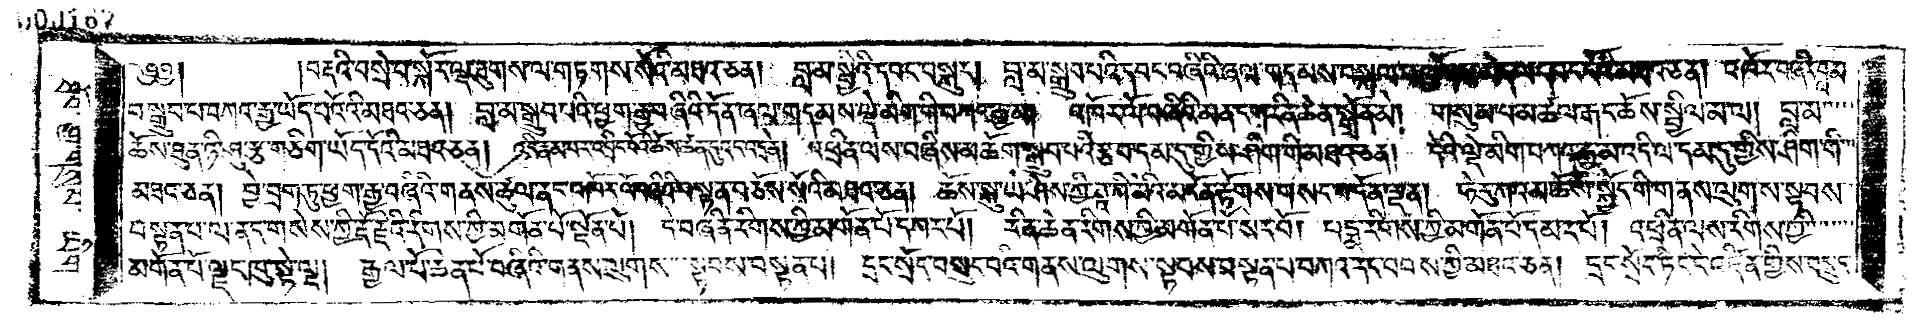༄༅། །བརྡའི་བསྲེ་བ་སྐོར་ལྔ་ཐུགས་ལ་གཏགས་སོའི་མཐའ་ཅན། བླ་མ་སྤྱིའི་དབང་བསྐུར། བླ་མ་སྒྲུབ་པའི་དབང་བཞིའི་ཞལ་གདམས་བསྐལ་བ་ཕྱོགས་མེད་ལ་དབང་ངོའི་མཐའ་ཅན། འཁོར་བཞིར་བླ་མ་
བསྒྲུབ་པ་བཀའ་རྒྱ་ཡོད་པའོའི་མཐའ་ཅན། བླ་མ་སྒྲུབ་པའི་ཕྱག་རྒྱ་བཞིའི་དོན་ཞལ་གདམས་ལྡེ་མིག་གི་བཀའ་རྒྱ་མ། འཁོར་ལོ་བཞིའི་མན་ངག་རིན་ཆེན་སྒྲོན་མེ། གསུམ་པ་མཚལ་རྒང་ཆོས་སྤྱིལ་མ་ལ། བླ་མ་
ཆོས་ཐུན་ཉི་ཤུ་རྩ་གཅིག་ཡོད་དོའི་མཐའ་ཅན། འདི་རྣམ་པར་འབྲིང་བོའི་ཆོས་ཚན་དུའང་འདྲེན།  འཕྲིན་ལས་བཞིས་མཆོག་སྒྲུབ་པའི་རྩ་བ་དམ་དུ་གྱིས་ཤིག་གི་མཐའ་ཅན། དེའི་ལྡེ་མིག་བཀའ་རྒྱ་མ་འདི་ལ་དམ་དུ་གྱིས་ཤིག་གི་
མཐའ་ཅན། བྱེ་བྲག་ཏུ་ཕྱག་རྒྱ་བཞིའི་གནས་ཚུལ་ནང་འཁོར་ལོ་བཞིའི་བསྟན་བཅོས་སོའི་མཐའ་ཅན། ཆོས་སྐུ་ཡེ་ཤིས་ཀྱི་ཊཱ་ཀི་མའི་མངོན་རྟོགས་གསང་བ་དོན་ལྡན། ཧེ་རུ་ཀའམ་ཆོས་སྐྱོད་གི་གནས་ལུགས་སྟབས་
བསྟན་པ་ལ་ནང་གསེས་ཀྱི་རྡོ་རྗེའི་རིགས་ཀྱི་མགོན་པོ་སྔོན་པོ། དེ་བཞིན་རིགས་ཀྱི་མགོན་པོ་དཀར་པོ། རིན་ཆེན་རིགས་ཀྱི་མགོན་པོ་སེར་བོ། པདམ་རིགས་ཀྱི་མགོན་པོ་དམར་པོ། འཕྲིན་ལས་རིགས་ཀྱི་
མགོན་པོ་ལྗང་ཁུ་སྟེ་ལྔ། རྒྱལ་པོ་ཆེན་པོ་བཞིའི་གནས་ལུགས་སྟབས་བསྟན་པ། དྲང་སྲོང་བསྲུང་བའི་གནས་ལུགས་སྟབས་བསྟན་པ་བཀའ་རང་བབས་ཀྱི་མཐའ་ཅན། དྲང་སྲོང་ཏིང་ངེ་འཛིན་གྱིས་བསྲུང་